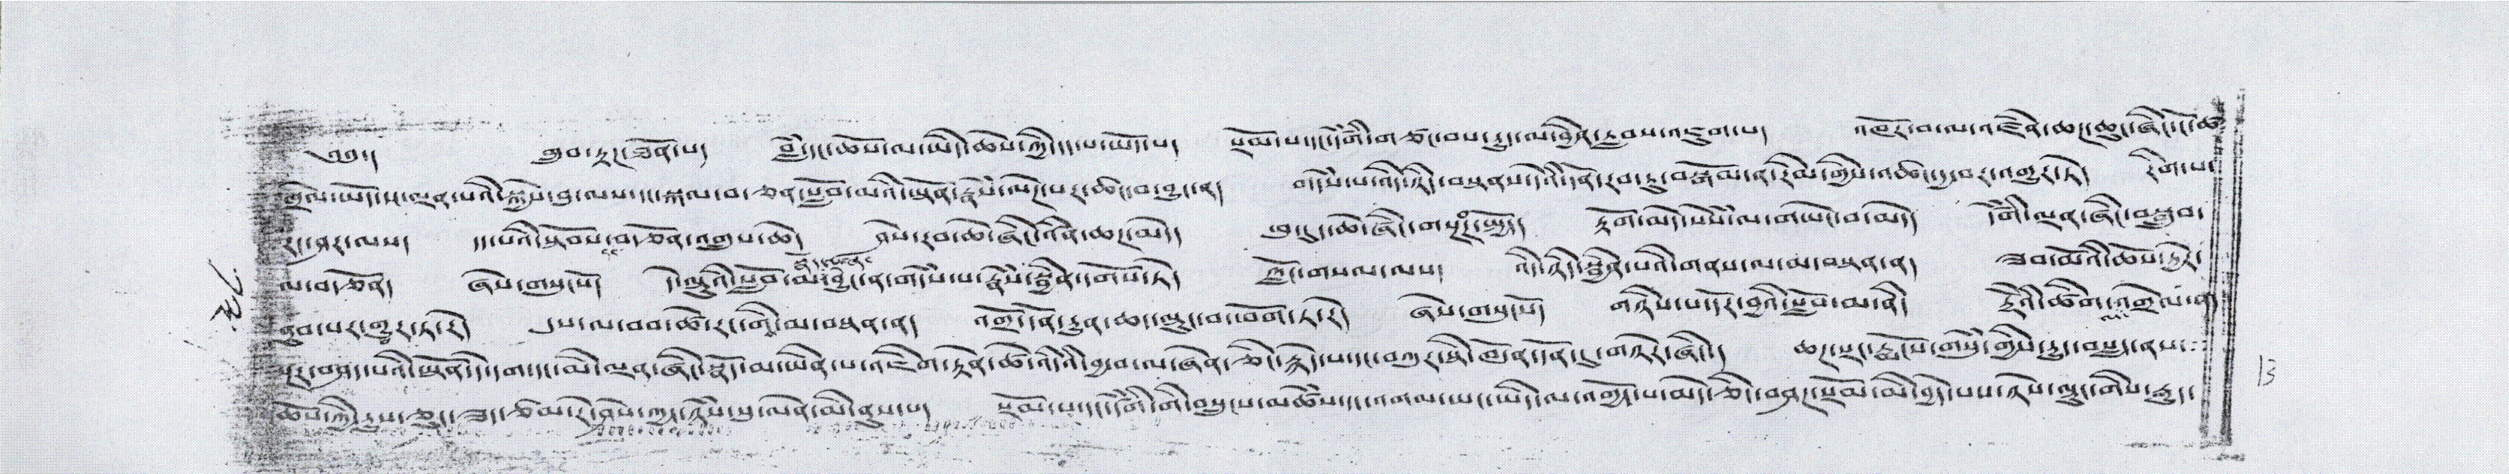གྲུབ་རྟགས་ཐོན་པ། བླ་མ་དང་ཆོས་ལ་ཡིད་ཆེས་ཀྱི་དད་པ་ཡོད་པ། སྡོམ་པ་དང་དམ་ཚིག་གཙང་བས་རྒྱུད་ལ་བྱིན་རླབས་འཇུག་པ། འཁོར་བ་ལ་འཛིན་ཆགས་ཆུང་ཞིང་ངོ་ཚ་
ཁྲེལ་ཡོད་དང་ལྡན་པའི་སྐྱེས་བུ་ལས་དང་སྐལ་པ་ཅན་སློབ་མའི་ཡོན་ཏན་རྣམས་ལེགས་པར་ཚང་བ་བྱུང་ན། གདམས་པ་འདི་ཉིད་བསྟན་ནས་དེའི་དོན་རབ་ཏུ་བསྒོམ་ན་རིམ་གྱིས་འཚང་རྒྱ་བར་འགྱུར་ཏེ། རིག་པ་
རང་ཤར་ལས། དད་པའི་སྟོབས་དང་བརྩོན་འགྲུས་ཆེ། །ཤེས་རབ་ཆེ་ཞིང་འཛིན་ཆགས་མེད། །ཕུད་དུད་ཆེ་ཞིང་གསང་སྔགས་སྤྱོད། །རྟོག་མེད་སེམས་ལ་གཡེང་བ་མེད། །དམ་ཚིག་ལྡན་ཞིང་བསྒྲུབ་
ལ་བརྩོན། །ཞེས་གསུངས་སོ། །དེ་ལྟ་བུའི་སློབ་མ་སྣོད་ལྡན་བྱུང་ན་གདམས་པ་རྣམས་སྦྱིན་དགོས་ཏེ། ཀློང་གསལ་ལས། འདི་ཉིད་སྦྱིན་པའི་གནས་ལ་མ་བསྟན་ན། །ཟབ་མོའི་ཆོས་གཏེར་
ནུབ་པར་གྱུར་ཏ་རེ། །དུས་ལ་བབས་ཚེ་རང་གིས་མ་བསྟན་ན། །འགྲོ་དོན་རྒྱུན་ཆད་ལྟུང་བ་ཕོགས་ཏ་རེ། །ཞེས་གསུངས་སོ། །གཉིས་པ་འདོར་བྱའི་སློབ་མ་ནི། རྡོ་རྗེའི་ཚིག་ལ་འགྲེལ་ན་
སྔར་བཤད་པའི་ཡོན་ཏན་དེ་དག་དང་མི་ལྡན་ཞིང་སྣོད་མ་ཡིན་པ་འཇིག་རྟེན་ཚེ་འདིའི་བྱ་བ་ལ་ཞེན་ཅིང་རྙེད་པ་དང་བཀུར་སྟི་ཁོ་ན་དོན་དུ་གཉེར་ཞིང་། ཆགས་སྡང་རྨོངས་གསུམ་གྱིས་རྒྱུད་བསླད་ནས་
ཆོས་ཀྱི་རྒྱུས་ཅུང་ཟད་ཙམ་རེ་ཤེས་ཀྱང་ཉམས་སུ་ལེན་མི་ནུས་པ། སྡོམ་པ་དང་དམ་ཚིག་གི་སྲུང་མཚམས་དང་འགལ་ཡང་ཡིད་ལ་འགྱོད་པ་མེད་ཅིང་བཤགས་སྡོམ་མི་བྱེད་པས་ཉེས་ལྟུང་གིས་རྒྱུད་